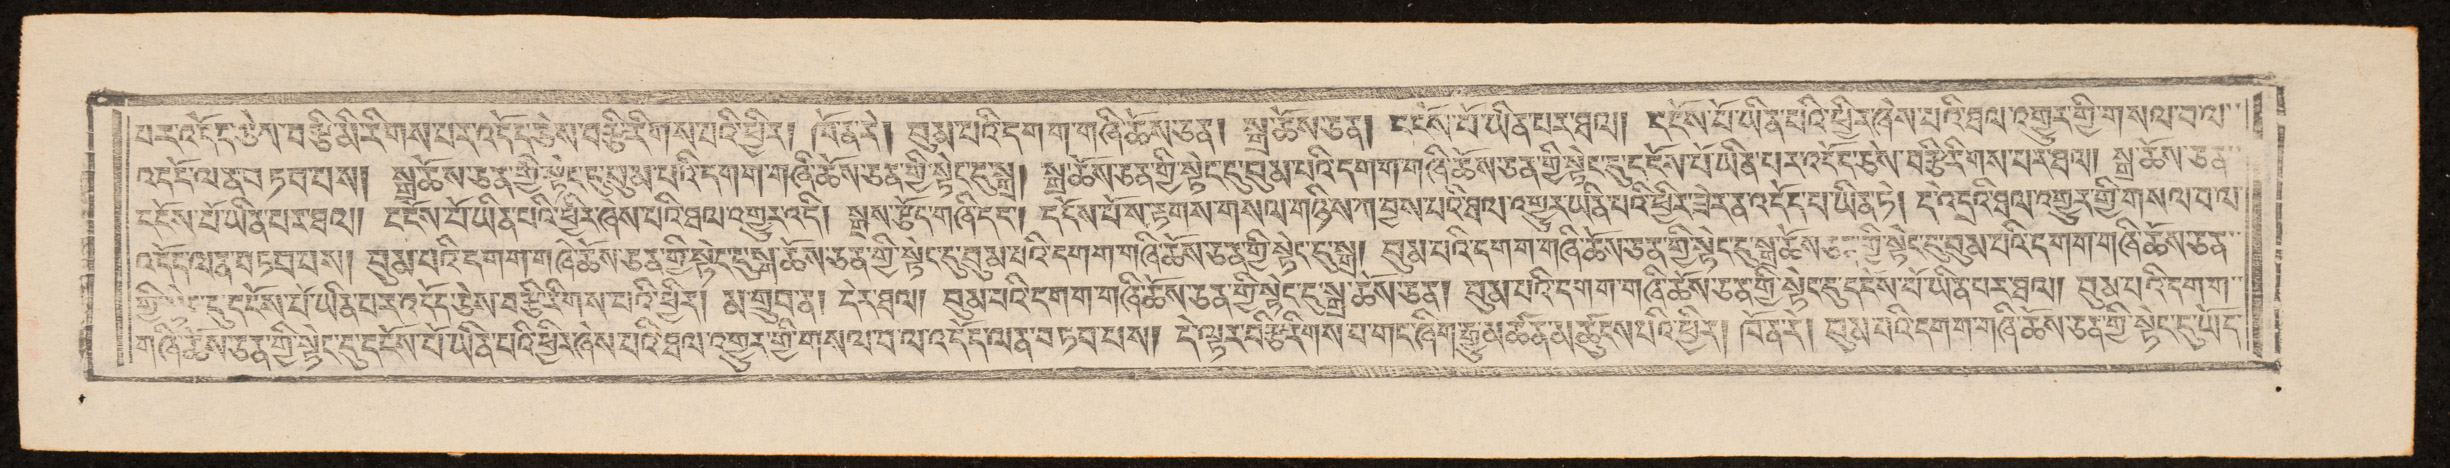པར་འདོད་ཅེས་བརྩི་མི་རིགས་པར་འདོད་ཅེས་བརྩི་རིགས་པའི་ཕྱིར། ཁོ་ན་རེ། བུམ་པའི་དགག་གཞི་ཆོས་ཅན། སྒྲ་ཆོས་ཅན། དངོས་པོ་ཡིན་པར་ཐལ། དངོས་པོ་ཡིན་པའི་ཕྱིར་ཞེས་པའི་ཐལ་འགྱུར་གྱི་གསལ་བ་ལ་
འདོད་ལན་བཏབ་པས། སྒྲ་ཆོས་ཅན་གྱི་སྟེང་དུ་བུམ་པའི་དགག་གཞི་ཆོས་ཅན་གྱི་སྟེང་དུ་སྒྲ། སྒྲ་ཆོས་ཅན་གྱི་སྟེང་དུ་བུམ་པའི་དགག་གཞི་ཆོས་ཅན་གྱི་སྟེང་དུ་དངོས་པོ་ཡིན་པར་འདོད་ཅེས་བརྩི་རིགས་པར་ཐལ། སྒྲ་ཆོས་ཅན།
དངོས་པོ་ཡིན་པར་ཐལ། དངོས་པོ་ཡིན་པའི་ཕྱིར་ཞེས་པའི་ཐལ་འགྱུར་འདི། སྒྲས་རྩོད་གཞི་དང་། དངོས་པོས་རྟགས་གསལ་གཉིས་ཀ་བྱས་པའི་ཐལ་འགྱུར་ཡིན་པའི་ཕྱིར་ཟེར་ན་འདོད་པ་ཡིན་ཏེ། དེ་འདྲའི་ཐལ་འགྱུར་གྱི་གསལ་བ་ལ་
འདོད་ལན་བཏབ་པས། བུམ་པའི་དགག་གཞི་ཆོས་ཅན་གྱི་སྟེང་དུ་སྒྲ་ཆོས་ཅན་གྱི་སྟེང་དུ་བུམ་པའི་དགག་གཞི་ཆོས་ཅན་གྱི་སྟེང་དུ་སྒྲ། བུམ་པའི་དགག་གཞི་ཆོས་ཅན་གྱི་སྟེང་དུ་སྒྲ་ཆོས་ཅན་གྱི་སྟེང་དུ་བུམ་པའི་དགག་གཞི་ཆོས་ཅན་
གྱི་སྟེང་དུ་དངོས་པོ་ཡིན་པར་འདོད་ཅེས་བརྩི་རིགས་པའི་ཕྱིར། མ་གྲུབ་ན། དེར་ཐལ། བུམ་པའི་དགག་གཞི་ཆོས་ཅན་གྱི་སྟེང་དུ་སྒྲ་ཆོས་ཅན། བུམ་པའི་དགག་གཞི་ཆོས་ཅན་གྱི་སྟེང་དུ་དངོས་པོ་ཡིན་པར་ཐལ། བུམ་པའི་དགག་
གཞི་ཆོས་ཅན་གྱི་སྟེང་དུ་དངོས་པོ་ཡིན་པའི་ཕྱིར་ཞེས་པའི་ཐལ་འགྱུར་གྱི་གསལ་བ་ལ་འདོད་ལན་བཏབ་པས། དེ་ལྟར་བརྩི་རིགས་པ་གང་ཞིག་རྒྱུ་མཚན་མཚུངས་པའི་ཕྱིར། ཁོ་ན་རེ། བུམ་པའི་དགག་གཞི་ཆོས་ཅན་གྱི་སྟེང་དུ་ཡོད་